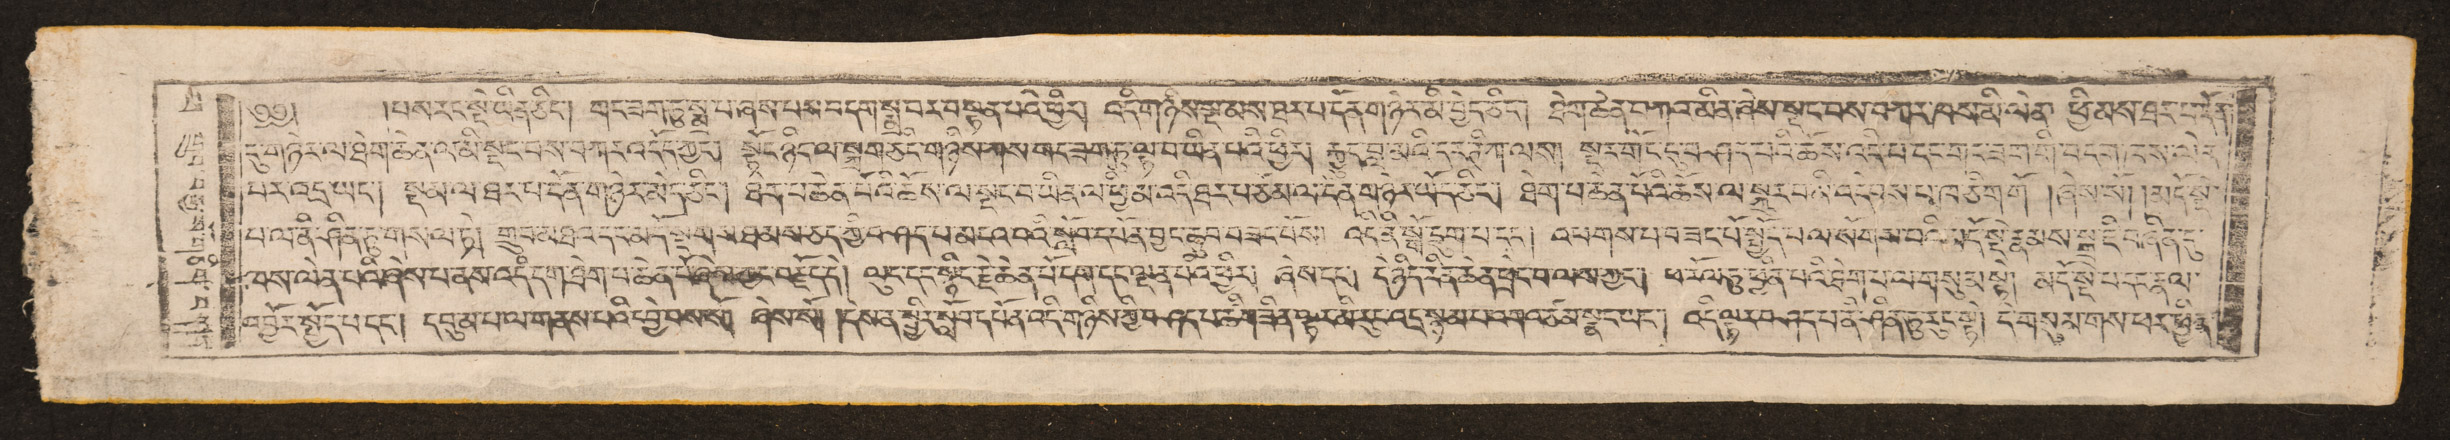༄༅། །པས་རང་སྡེ་ཡིན་ཅིང་། གང་ཟག་ཏུ་སྨྲ་པ་ཞེས་པས་བདག་སྨྲ་བར་བསྟན་པའི་ཕྱིར། འདི་གཉིས་སྔ་མས་ཐར་པ་དོན་གཉེར་མི་བྱེད་ཅིང་། ཐེག་ཆེན་བཀའ་མིན་ཞེས་སྡང་བས་བཀར་ཁས་མི་ལེན། ཕྱི་མས་ཐར་བདོན་
དུ་གཉེར་ལ་ཐེག་ཆེན་ལ་མི་སྡང་བས་བཀར་འདོད་ཀྱང་། སྟོང་ཉིད་ལ་སྐྲག་ཅིང་གཉིས་ཀས་གང་ཟག་ཏུ་ལྟ་བ་ཡིན་པའི་ཕྱིར། རྐྱུད་བླ་མའི་དར་ཊིཀ་ལས། སྔར་གོང་དུ་བཤད་པའི་ཆོས་འདི་པ་དང་གང་ཟག་གི་བདག་ཁས་ལེན་
པར་འདྲ་ཡང་། སྔ་མ་ལ་ཐར་པ་དོན་གཉེར་མེད་ཅིང་། ཐེག་པ་ཆེན་པོའི་ཆོས་ལ་སྡང་བ་ཡིན་ལ་ཕྱི་མ་འདི་ཐར་པ་ཙམ་ལ་དོན་གཉེར་ཡོད་ཅིང་། ཐེག་པ་ཆེན་པོའི་ཆོས་ལ་སྐུར་བ་མི་འདེབས་པ་ཁ་ཅིག་གོ །ཞེས་སོ། །མདོ་སྡེ་
པ་ལ་ནི་ཤིན་ཏུ་གསལ་ཏེ། གྲུབ་མཐའ་དང་མདོ་སྔགས་ཐམས་ཅད་ཀྱི་བཤད་པ་མངའ་བའི་སློབ་དཔོན་བྱང་ཆུབ་བཟང་པོས། འདི་ནི་སྒོ་དྲུག་པ་དང་། འཕགས་པ་བཟང་པོ་སྤྱོད་པ་ལ་སོགས་པའི་མདོ་སྡེ་རྣམས་སྒྲ་ཇི་བཞིན་དུ་
ཁས་ལེན་པའི་ཞེས་པ་ནས་འདི་དག་ཐེག་པ་ཆེན་པོ་ཞེས་ཀྱང་བརྗོད་དེ། ལུང་དང་སྙིང་རྗེ་ཆེན་པོ་དག་དང་ལྡན་པའི་ཕྱིར། ཞེས་དང་། དེ་ཉིད་རིན་ཆེན་ཕྲེང་བ་ལས་ཀྱང་། ཕ་རོལ་ཏུ་ཕྱིན་པའི་ཐེག་པ་ལ་གསུམ་སྟེ། མདོ་སྡེ་བ་དང་རྣལ་
འབྱོར་སྤྱོད་བ་དང་། དབུ་མ་པ་ལ་གནས་པའི་དབྱེ་བས་སོ། ཞེས་སོ། །དེས་ན་སྤྱིར་སློབ་དཔོན་འདི་གཉིས་ཀྱི་བཤད་པ་ཆིག་ཟིན་ལྟར་མི་རུང་འདྲ་སྙམ་པ་འགའ་ཙམ་སྣང་ཡང་། འདི་ལྟར་བཤད་པ་ནི་ཤིན་ཏུ་རུང་སྟེ། དེ་གསུམ་གས་ཕར་ཕྱིན་